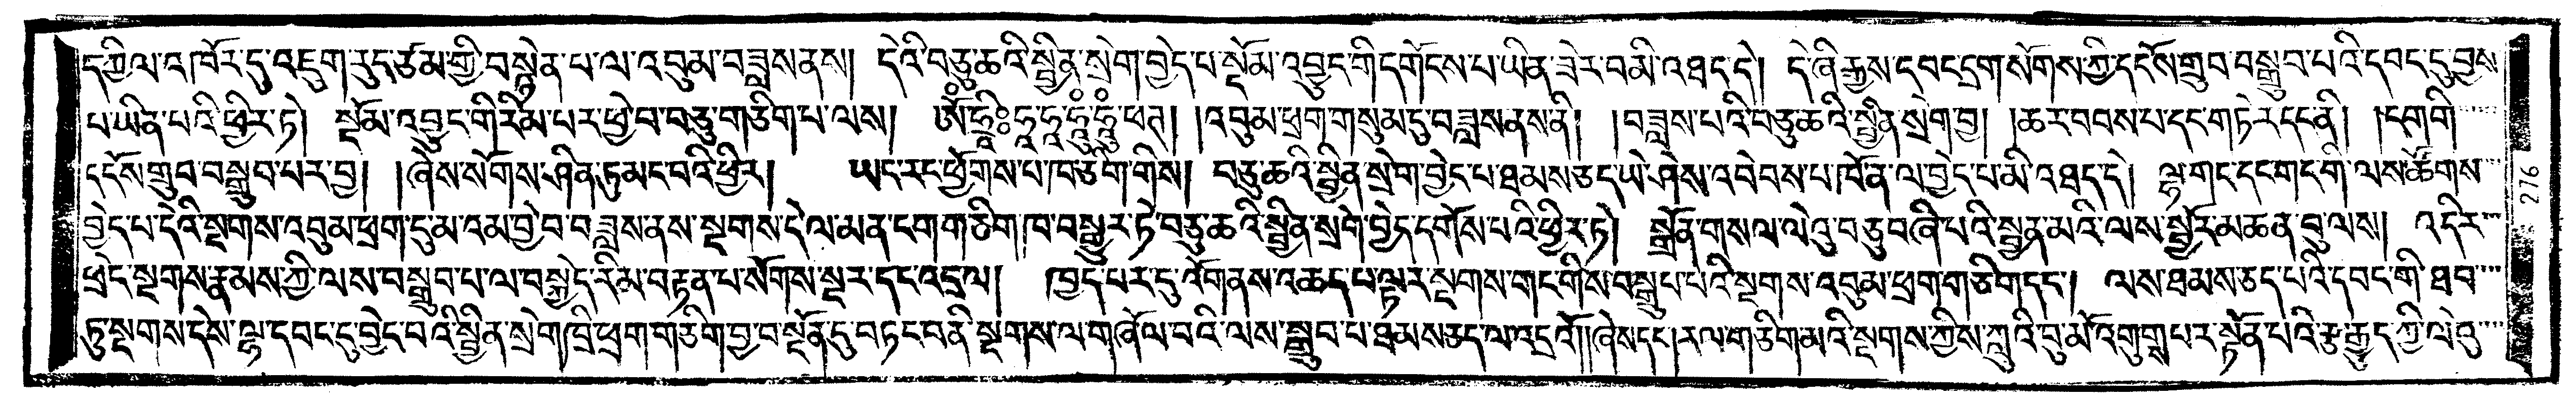དཀྱིལ་འཁོར་དུ་འཇུག་རུང་ཙམ་གྱི་བསྙེན་པ་ལ་འབུམ་བཟླས་ནས། དེའི་བཅུ་ཆའི་སྦྱིན་སྲེག་བྱེད་པ་སྡོམ་འབྱུང་གི་དགོངས་པ་ཡིན་ཟེར་བ་མི་འཐད་དེ། དེ་ཞི་རྒྱས་དབང་དྲག་སོགས་ཀྱི་དངོས་གྲུབ་བསྒྲུབ་པའི་དབང་དུ་བྱས་
པ་ཡིན་པའི་ཕྱིར་ཏེ། སྡོམ་འབྱུང་གི་རིམ་པར་ཕྱེ་བ་བཅུ་གཅིག་པ་ལས། ཨོཾ་ཧྲཱིཿཧཱ་ཧཱ་ཧཱུཾ་ཧཱུཾ་ཕཊ། །འབུམ་ཕྲག་གསུམ་དུ་བཟླས་ནས་ནི། །བཟླས་པའི་བཅུ་ཆའི་སྦྱིན་སྲེག་བྱ། །ཆར་བབས་པ་དང་གཏེར་དང་ནི། །ངག་གི་
དངོས་གྲུབ་བསྒྲུབ་པར་བྱ། །ཞེས་སོགས་ཤིན་ཏུ་མང་བའི་ཕྱིར། ཡང་རང་ཕྱོགས་པ་ཁ་ཅིག་གིས། བཅུ་ཆའི་སྦྱིན་སྲེག་བྱེད་པ་ཐམས་ཅད་ཡེ་ཤེས་འབེབས་པ་ཁོ་ན་ལ་བྱེད་པ་མི་འཐད་དེ། ལྷ་གང་དང་གང་གི་ལས་ཚོགས་
བྱེད་པ་དེའི་སྔགས་འབུམ་ཕྲག་དུ་མ་འམ་བྱེ་བ་བཟླས་ནས་སྔགས་དེ་ལ་མན་ངག་གཅིག་ཁ་བསྒྱུར་ཏེ་བཅུ་ཆའི་སྦྱིན་སྲེག་བྱེད་དགོས་པའི་ཕྱིར་ཏེ། སྒྲོན་གསལ་ལེའུ་བཅུ་བཞི་པའི་སྤྱན་མའི་ལས་སྦྱོར་མཆན་བུ་ལས། འདིར་
ཕྲེང་སྔགས་རྣམས་ཀྱི་ལས་བསྒྲུབ་པ་ལ་བསྐྱེད་རིམ་བརྟན་པ་སོགས་སྔར་དང་འདྲ་ལ། ཁྱད་པར་དུ་འོག་ནས་འཆད་པ་ལྟར་སྔགས་གང་གིས་བསྒྲུབ་པའི་སྔགས་འབུམ་ཕྲག་གཅིག་དང་། ལས་ཐམས་ཅད་པའི་དབང་གི་ཐབ་
ཏུ་སྔགས་དེས་ལྷ་དབང་དུ་བྱེད་པའི་སྦྱིན་སྲེག་ཁྲི་ཕྲག་གཅིག་བྱ་བ་སྔོན་དུ་བཏང་བ་ནི་སྔགས་གཞོལ་བའི་ལས་སྒྲུབ་པ་ཐམས་ཅད་ལ་འདྲའོ། །ཞེས་དང་། རལ་གཅིག་མའི་སྔགས་ཀྱིས་ཀླུའི་བུ་མོ་འགུགས་པར་སྟོན་པའི་རྩ་རྒྱུད་ཀྱི་ལེའུ་